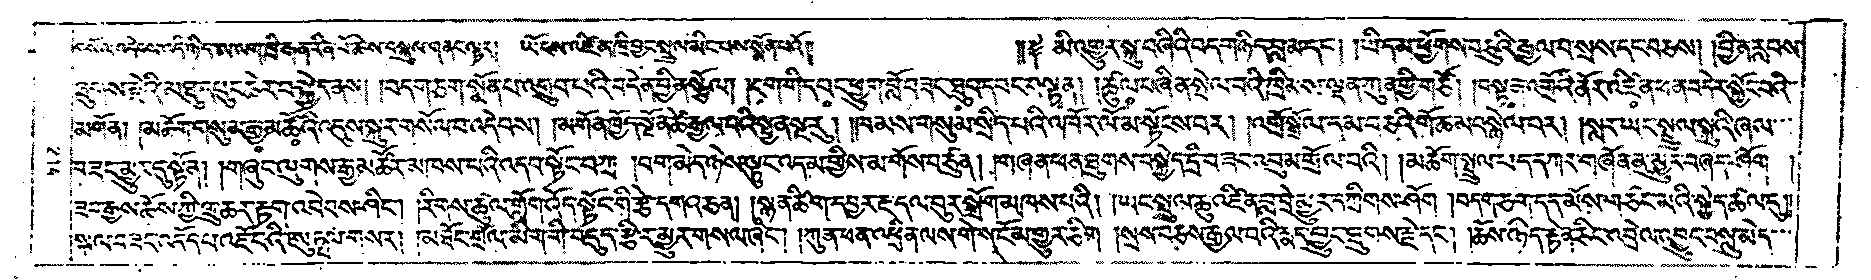གསོལ་འདེབས་འདི་ཉིད་ཨ་ལག་ཁྲི་རྒན་རིན་པོ་ཆེས་བསྐུལ་གནང་ལྟར། ཡོངས་འཛིན་ཁྲི་བྱང་སྤྲུལ་མིང་པས་སྨོན་པའོ།། །། ༈ མི་འགྱུར་སྐུ་བཞིའི་བདག་ཉིད་བླ་མ་དང་། །ཡི་དམ་ཕྱོགས་བཅུའི་རྒྱལ་བ་སྲས་དང་བཅས། །བྱིན་རླབས་
ཐུགས་རྗེའི་མཐུ་དཔུང་ཆེར་བསྐྱེད་ནས། །བདག་ཅག་སྨོན་པ་འགྲུབ་པའི་བདེན་བྱིན་སྩོལ། །ངག྾་གི་དབང྾་ཕྱུག་བློ་བཟང་ཐུབ྾་དབང་བསྟན྾། །ཚུལ྾་བཞིན་སྤེལ་བའི་ཁྲིམས྾་ལྡན་ཀུན་གྱི་གཙོ྾། །བསྟན྾་འགྲོའི་ནོར་འཛིན྾་ཕན་བདེར་སྐྱོང་བའི་
མགོན། །མཆོག་གསུམ་རྒྱ྾་མཚོའི྾་འདུས་སྐུར་གསོལ་བ་འདེབས། །མགོན་ཁྱོད་སྔོན་ཚེ་རྒྱལ་བའི་སྤྱན་སྔ་རུ། །ཁམས་གསུམ་སྲིད་པའི་འཁོར་ལོ་མ་སྟོངས་བར། །འགྲོ་སྒྲོལ་དམ་བཅའི་གོ་ཆ་མ་བསྙེལ་བར། །སླར་ཡང་སྤྲུལ་སྐུའི་ཞལ་
བཟང་མྱུར་དུ་སྟོན། །གཞུང་ལུགས་རྒྱ་མཚོར་མཁས་པའི་འདབ་སྟོང་བཀྲ་།བག་མེད་ཉེས་ལྟུང་འདམ་གྱིས་མ་གོས་བཙུན། །གཞན་ཕན་ཐུགས་བསྐྱེད་དྲི་བཟང་འབུམ་གྲོལ་བའི། །མཆོག་སྤྲུལ་པད་དཀར་གཞོན་ནུ་མྱུར་བཞད་ཤོག །
ཟབ་རྒྱས་ཆོས་ཀྱི་གྲུ་ཆར་རྟག་འབེབས་ཤིང་། །རིགས་ཚུལ་གློག་འོད་སྟོང་གི་རྩེ་དགའ་ཅན། །སྙན་ཚིག་དབྱར་རྔ་དལ་བུར་སྒྲོག་མཁས་པའི། །ཡང་སྤྲུལ་ཆུ་འཛིན་བླ་བྲེ་མྱུར་དཀྲིགས་ཤོག །བདག་ཅག་དད་མོས་གཙང་མའི་སྐྱེད་ཚལ་དུ།།
སྐལ་བཟང་འདོད་པ་འཇོ་བའི་ཨུཏྤལ་གསར། །མཐོང་གྲོལ་མིག་གི་བདུད་རྩིར་མྱུར་གསལ་ཞིང་། །ཀུན་ཕན་འཕྲིན་ལས་གེ་སར་ངོམ་གྱུར་ཅིག །སྲས་བཅས་རྒྱལ་བའི་རྨད་བྱུང་ཐུགས་རྗེ་དང་། །ཆོས་ཉིད་རྟེན་ཅིང་འབྲེལ་འབྱུང་བསླུ་མེད་